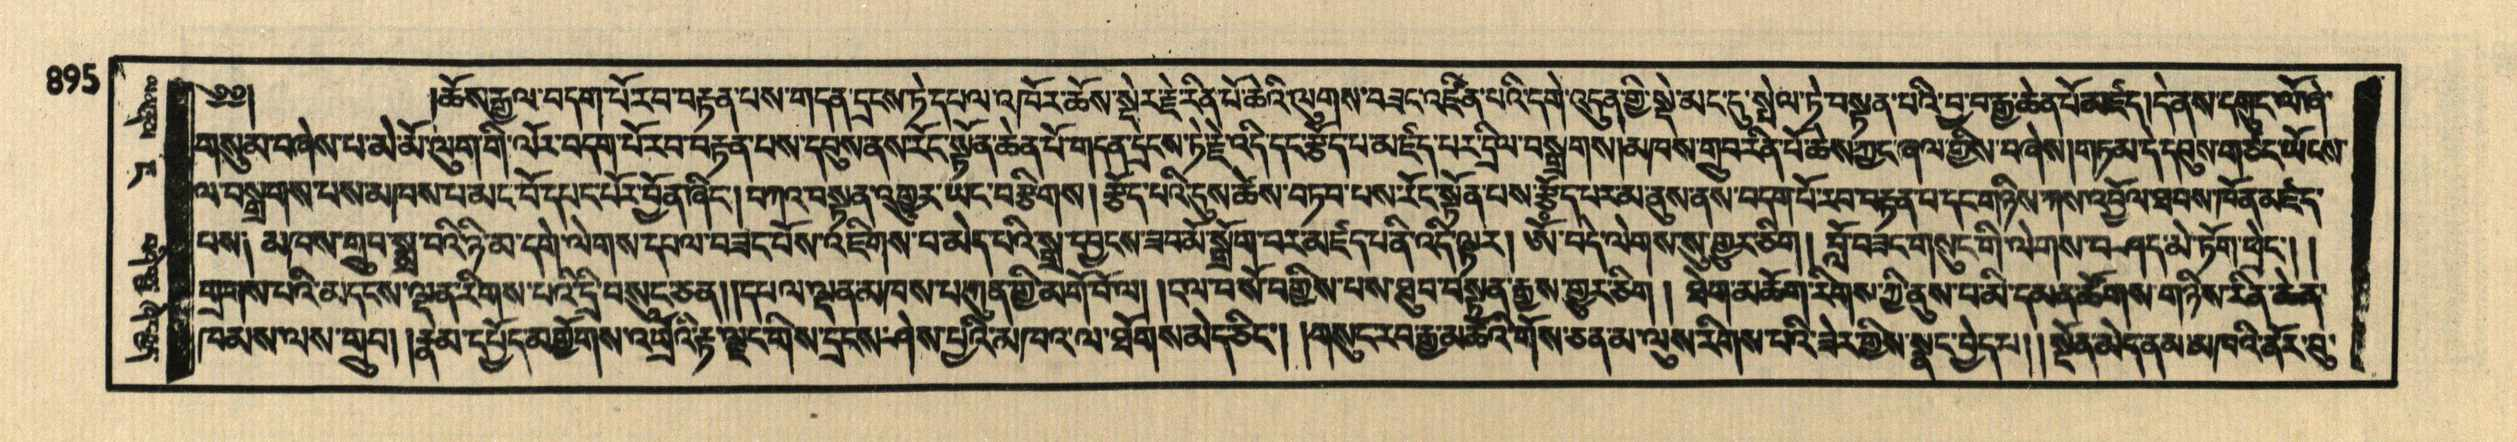༄༅། །ཆོས་རྒྱལ་བདག་པོ་རབ་བརྟན་པས་གདན་དྲངས་ཏེ་དཔལ་འཁོར་ཆོས་སྡེར་རྗེ་རིན་པོ་ཆེའི་ལུགས་བཟང་འཛིན་པའི་དགེ་འདུན་གྱི་སྡེ་མང་དུ་སྤེལ་ཏེ་བསྟན་པའི་བྱ་བ་རྒྱ་ཆེན་པོ་མཛད། དེ་ནས་དགུང་ལོ་ཞེ་
གསུམ་བཞེས་པ་མེ་མོ་ལུག་གི་ལོར་བདག་པོ་རབ་བརྟན་པས་དབུས་ནས་རོང་སྟོན་ཆེན་པོ་གདན་དྲངས་ཏེ་རྗེ་འདི་དང་རྩོད་པ་མཛད་པར་དྲིལ་བསྒྲགས། མཁས་གྲུབ་རིན་པོ་ཆེས་ཀྱང་ཞལ་གྱིས་བཞེས། གཏམ་དེ་དབུས་གཙང་ཡོངས་
ལ་བསྒྲགས་པས་མཁས་པ་མང་བོ་དབང་པོར་བྱོན་ཞིང་། བཀའ་བསྟན་འགྱུར་ཡང་བརྩིགས། རྩོད་པའི་དུས་ཚེས་བཏབ་པས་རོང་སྟོན་པས་རྩོད་པར་མ་ནུས་ནས་བདག་པོ་རབ་བརྟན་པ་དང་གཉིས་ཀས་འབྱོལ་ཐབས་ཁོན་མཛད་
པས༑ མཁས་གྲུབ་སྨྲ་བའི་ཉི་མ་དགེ་ལེགས་དཔལ་བཟང་པོས་འཇིགས་པ་མེད་པའི་སྒྲ་དབྱངས་ཟབ་མོ་སྒྲོག་བར་མཛད་པ་ནི་འདི་ལྟར། ཨོཾ་བདེ་ལེགས་སུ་གྱུར་ཅིག། བློ་བཟང་གསུང་གི་ལེགས་བཤད་མེ་ཏོག་ཕྲེང་། །
གྲགས་པའི་མདངས་ལྡན་རིགས་པའི་དྲི་བསུང་ཅན། །དཔལ་ལྡན་མཁས་པ་ཀུན་གྱི་མགོ་བོ་ལ། །ངལ་བསོ་བགྱིས་པས་ཐུབ་བསྟན་རྒྱས་གྱུར་ཅིག། ཐེག་མཆོག་རིགས་ཀྱི་ནུས་པ་མི་དམན་ཚོགས་གཉིས་རིན་ཆེན་
ཁམས་ལས་གྲུབ། །རྣམ་དཔྱོད་མགྱོགས་འགྲོའི་རྟ་ལྗང་གིས་དྲངས་ཤེས་བྱའི་མཁའ་ལ་ཐོགས་མེད་ཅིང་། །གསུང་རབ་རྒྱ་མཚོའི་གོས་ཅན་མ་ལུས་རིགས་པའི་ཟེར་གྱིས་སྣང་བྱེད་པ། །སྔོན་མེད་ནམ་མཁའི་ནོར་བུ་